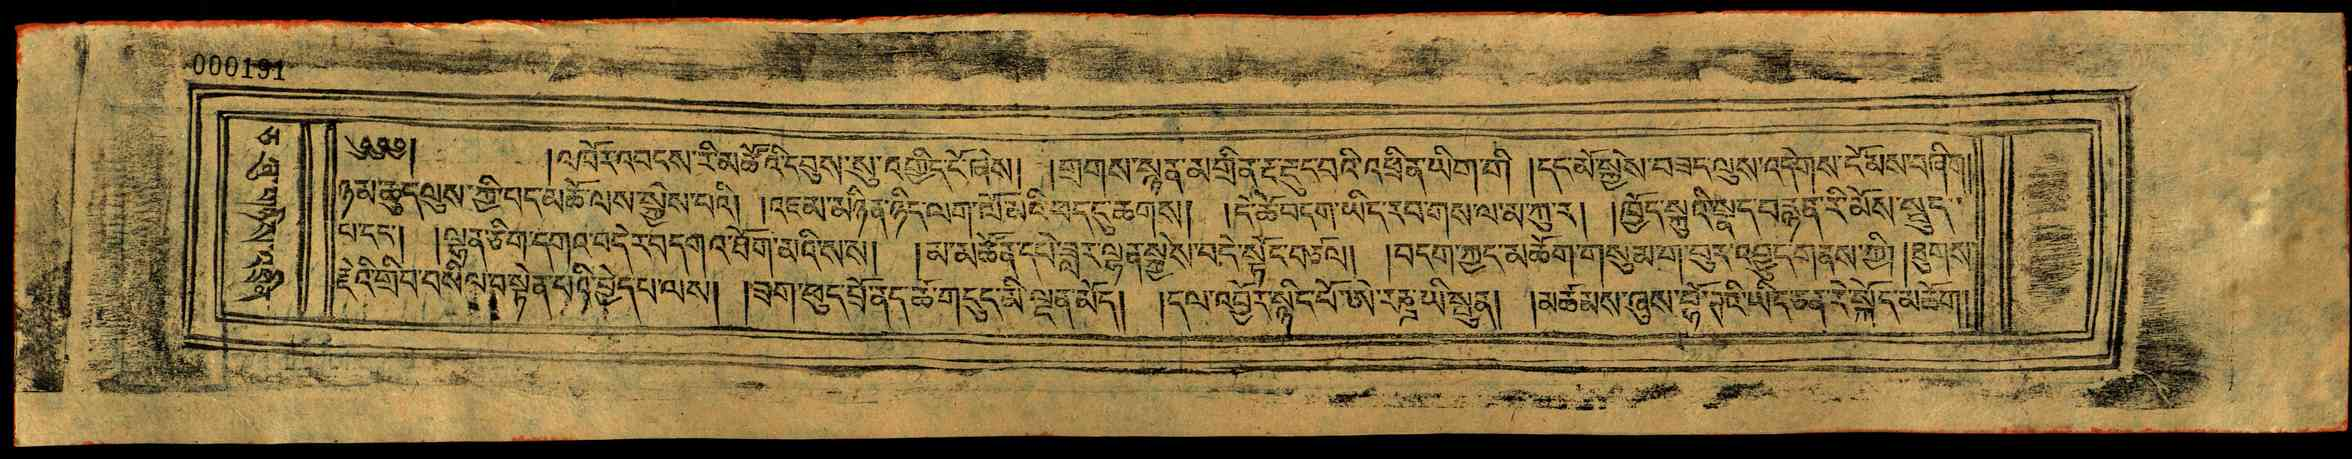༄༅༅། །འཁོར་འབབས་རི་མཚོའི་དབུས་སུ་འགྱིང་ངོ་ཞེས། །གྲགས་སྙན་མགྲིན་རྔ་རྡུང་བའི་འཕྲིན་ཡིག་གི །ངང་མོ་སྐྱེས་བཟང་ལུས་འདེགས་ངོམས་པ་ཞིག།
ཉམ་ཆུང་ལུས་ཀྱི་པད་མཚོ་ལས་སྐྱེས་པའི། །འཇམ་མཉེན་ཉིང་ལག་ལོ་མའི་ཕང་དུ་ཆགས། །དེ་ཚེ་བདག་ཡིད་རབ་གསལ་མ་ཀུ་ར། །ཁྱོད་སྐུའི་སྣང་བརྙན་རི་མོས་སྤུང་
པ་དང་། །ལྷན་ཅིག་དགའ་བདེ་རབ་དགའ་ཐོག་མའི་སས། །མ་མཚོན་དཔེ་ཟླར་ལྷན་སྐྱེས་བདེ་སྟོང་བཅལ། །བདག་ཀྱང་མཆོག་གསུམ་ག་པུར་འབྱུང་གནས་ཀྱི། །ཐུགས་
རྗེའི་གྲིབ་བསིལ་བསྟེན་པའི་བྱེད་པ་ལས། །ཟག་ཕུང་བྲོ་ནང་ཚ་གདུད་མི་ལྡན་མེད། །དལ་འབྱོར་སྙིང་པོ་ཨེ་རཎྜ་ཡི་སྦུན། །མཚམས་ཞུས་བྷོ་ཊའི་ཡིད་ཅན་རེ་སྐོང་མཆོག།